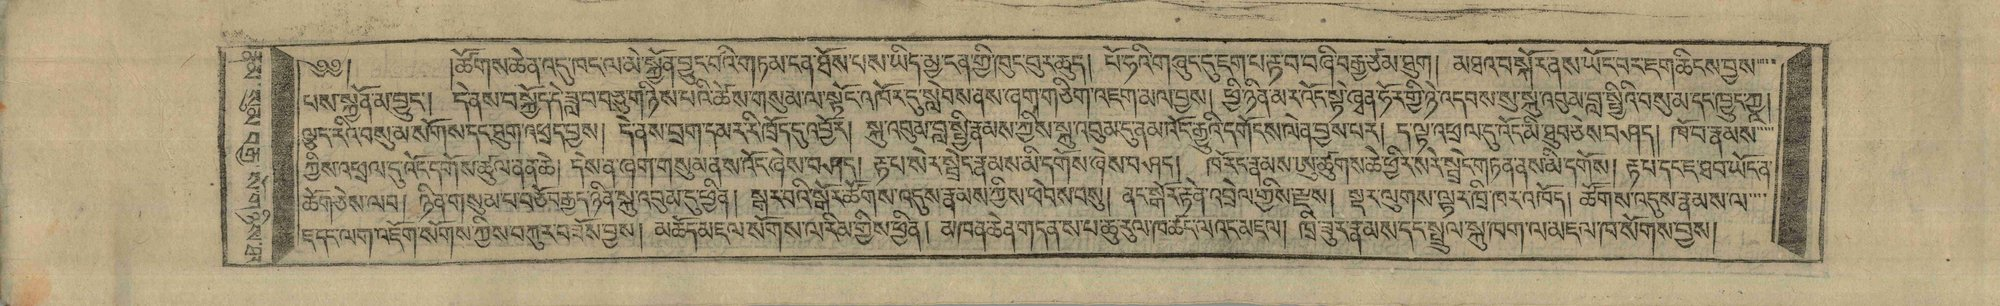༄༅། །ཚོགས་ཆེན་འདུ་ཁང་ལ་མེ་སྐྱོན་བྱུང་བའི་གཏམ་ངན་ཐོས་པས་ཡིད་མྱ་ངན་གྱི་ཁུང་བུར་ཆུད། པོ་ཧའི་གཞུང་དུ་ཇག་པ་རྟ་བ་བཞི་བརྒྱ་ཙམ་ཐུག །མཐའ་བསྐོར་ནས་ཡོང་བར་ཇག་ཆིངས་བྱས་
པས་སྐྱོན་མ་བྱུང་། དེ་ནས་བསྐྱོད་དེ་ཟླ་བ་བཅུ་གཉིས་པའི་ཚེས་གསུམ་ལ་སྟོང་འཁོར་དུ་སླེབས་ནས་ཞག་གཅིག་འཇག་མལ་བྱས། ཕྱི་ཉིན་མར་འོང་སྟེ་ཞྭན་ཧོར་གྱི་ཉེ་འདབས་སུ་སྐུ་འབུམ་བླ་སྤྱིའི་བསུ་མ་དང་ཁྱུང་ཀྱཱ།
ལྕང་རའི་བསུམ་སོགས་དང་ཐུག་འཕྲད་བྱས། དེ་ནས་བྲག་དམར་རི་ཁྲོད་དུ་འབྱོར། སྐུ་འབུམ་བླ་སྤྱི་རྣམས་ཀྱིས་སྐུ་འབུམ་དུ་ནམ་འོང་རྒྱུའི་དགོངས་ལེན་བྱས་པར། ད་ལྟ་འཕྲལ་དུ་འོང་མི་ཐུབ་ཅེས་བཤད། ཁོ་བ་རྣམས་
ཀྱིས་འཕྲལ་དུ་འོང་དགོས་ཚུལ་ནན་ཆེ། དེས་ན་ཞག་གསུམ་ནས་འོང་ཞེས་བཤད། རྟ་པ་སེར་སྦྲེང་རྣམས་མི་དགོས་ཞེས་བཤད། ཁོ་རང་རྣམས་ཨུ་ཚུགས་ཆེ་ཕྱིར་སེར་སྦྲེང་གཏན་ནས་མི་དགོས། རྟ་པ་དང་ཇ་ཐབ་ཡོང་ན་
ཆོག་ཅེས་ལབ། ཉིན་གསུམ་པ་བཅོ་བརྒྱད་ཉིན་སྐུ་འབུམ་དུ་ཕྱིན། སྒར་བའི་སྒོར་ཚོགས་འདུས་རྣམས་ཀྱིས་ཕེབས་བསུ། ནང་སྒོར་རྟེན་འབྲེལ་གྱིས་རྫས། སྔར་ལུགས་ལྟར་ཁྲི་ཁར་འཁོད། ཚོགས་འདུས་རྣམས་ལ་
ཇ་དང་ལག་འཇོག་སོགས་ཀྱིས་བཀུར་བཟོས་བྱས། མཆོད་མཇལ་སོགས་ལ་རིམ་གྱིས་ཕྱིན། མཁན་ཆེན་གདན་ས་པ་ཆུ་རུལ་ཁ་ཚང་ལའང་མཇལ། ཁྲི་ཟུར་རྣམས་དང་སྤྲུལ་སྐུ་ཁག་ལ་མཇལ་ཁ་སོགས་བྱས།